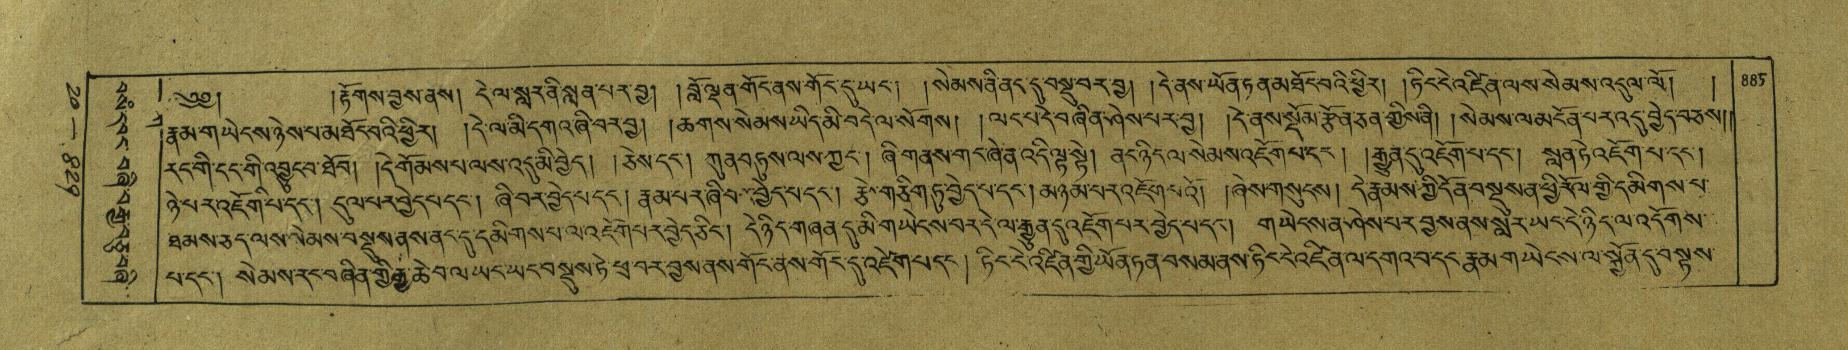༄༅། །རྟོགས་བྱས་ནས། དེ་ལ་སླར་ནི་སླན་པར་བྱ། །བློ་ལྡན་གོང་ནས་གོང་དུ་ཡང་། །སེམས་ནི་ནང་དུ་བསྡུ་བར་བྱ། །དེ་ནས་ཡོན་ཏན་མཐོང་བའི་ཕྱིར། །ཏིང་ངེ་འཛིན་ལས་སེམས་འདུལ་ལོ། །
རྣམ་གཡེངས་ཉེས་པ་མཐོང་བའི་ཕྱིར། །དེ་ལ་མི་དགའ་ཞི་བར་བྱ། །ཆགས་སེམས་ཡིད་མི་བདེ་ལ་སོགས། །ལང་པ་དེ་བཞིན་ཤེས་པར་བྱ། །དེ་ནས་སྡོམ་རྩོན་ཅན་གྱིས་ནི། །སེམས་ལ་མངོན་པར་འདུ་བྱེད་བཅས། །
རང་གི་ངང་གི་འབྱུང་བ་ཐོབ། །དེ་གོམས་པ་ལས་འདུ་མི་བྱེད། །ཅེས་དང་། ཀུན་བཏུས་ལས་ཀྱང་། ཞི་གནས་གང་ཞེ་ན་འདི་ལྟ་སྟེ། ནང་ཉིད་ལ་སེམས་འཇོག་པ་དང་། །རྒྱུན་དུ་འཇོག་པ་དང་། སླན་ཏེ་འཇོག་པ་དང་།
ཉེ་པར་འཇོག་པ་དང་། དུལ་བར་བྱེད་པ་དང་། ཞི་བར་བྱེད་པ་དང་། རྣམ་པར་ཞི་བར་བྱེད་པ་དང་། རྩེ་གཅིག་ཏུ་བྱེད་པ་དང་། མཉམ་པར་འཇོག་པའོ། །ཞེས་གསུངས། དེ་རྣམས་ཀྱི་དོན་བསྡུས་ན་ཕྱི་རོལ་གྱི་དམིགས་པ་
ཐམས་ཅད་ལས་སེམས་བསྡུས་ནས་ནང་དུ་དམིགས་པ་ལ་འཇོག་པར་བྱེད་ཅིང་། དེ་ཉིད་གཞན་དུ་མི་གཡེངས་པར་དེ་ལ་རྒྱུན་དུ་འཇོག་པར་བྱེད་པ་དང་། གཡེངས་ན་ཤེས་པར་བྱས་ནས་སླར་ཡང་དེ་ཉིད་ལ་འདོགས་
པ་དང་། སེམས་རང་བཞིན་གྱི་རྒྱ་ཆེ་བ་ལ་ཡང་ཡང་བསྡུས་ཏེ་ཕྲ་བར་བྱས་ནས་གོང་ནས་གོང་དུ་འཛེག་པ་དང་། ཏིང་ངེ་འཛིན་གྱི་ཡོན་ཏན་བསམ་ནས་ཏིང་ངེ་འཛིན་ལ་དགའ་བ་དང་རྣམ་གཡེངས་ལ་སྐྱོན་དུ་བསྟས་